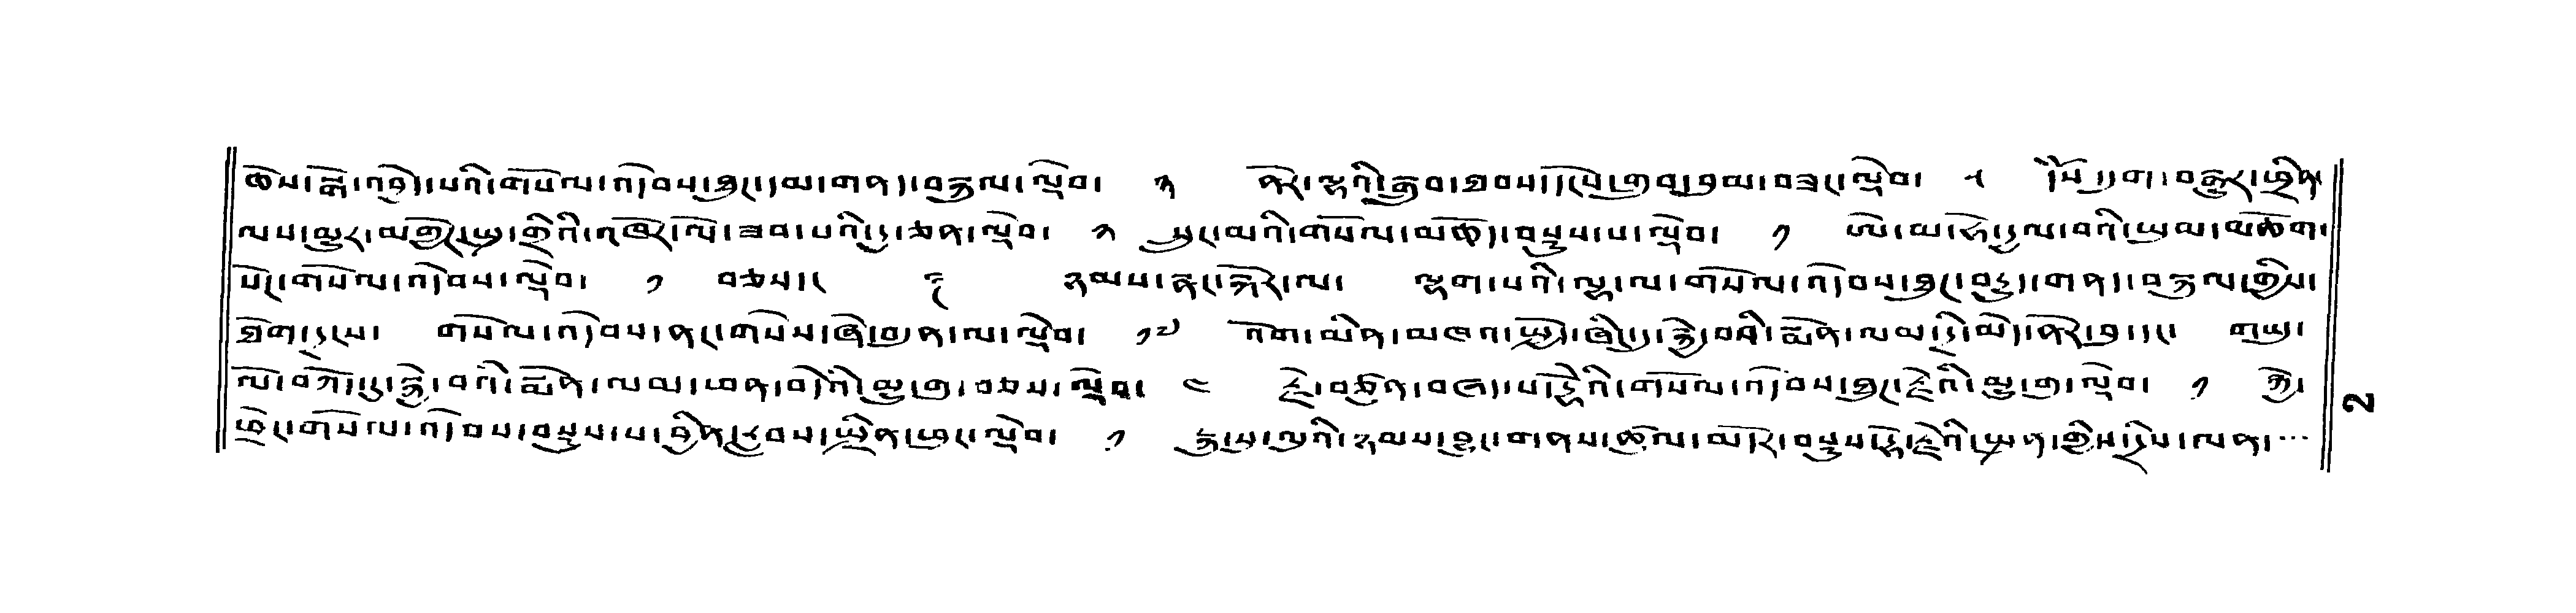ཆོས་སྒོ་འབྱེད་པའི་གསོལ་འདེབས་ཐུགས་དམ་གནད་བསྐུལ་ལྡེབ། ནོར་ལྷའི་སྒྲུབ་ཐབས་དངོས་གྲུབ་བུམ་བཟང་ལྡེབ། དམ་རྫས་དུག་བསྒྱུར་ཕྲིན་
ལས་མྱུར་མགྱོགས་སྤུ་གྲིའི་འཁོར་ལོ་ཟབ་པའི་རྒྱ་ཅན་ལྡེབ། སྲུང་མའི་གསོལ་མཆོད་བསྡུས་པ་ལྡེབ། ཨེ་མ་ཧོ་རྒྱལ་བའི་ཡུམ་མཆོག་
སོགས་གསོལ་འདེབས་ལྡེབ། བཅས། ༈ ཉམས་སྣང་སྐོར་ལ། ལྷག་པའི་ལྷ་ལ་གསོལ་འདེབས་ཐུགས་བརྒྱུད་གནད་བསྐུལ་གྱིས་
ཐོག་དྲངས། གསོལ་འདེབས་ནང་གསེས་ཞེ་བདུན་ལ་ལྡེབ། འོག་མིན་མཁའ་སྤྱོད་ཞིང་དུ་སྐྱེ་བའི་སྨོན་ལམ་དྲི་མེད་ནོར་བུ་དང་། གཡུ་
ལོ་བཀོད་དུ་སྐྱེ་བའི་སྨོན་ལམ་ཕན་བདེའི་མྱུ་གུ་བཅས་ལྡེབ། རྗེ་བཙུན་བཞད་པ་རྡོ་རྗེའི་གསོལ་འདེབས་ཐུགས་རྗེའི་མྱུ་གུ་ལྡེབ། སྐྱེ་
འཕྲེང་གསོལ་འདེབས་བསྡུས་པ་བྱིན་རླབས་སྤྲིན་ཕུང་ལྡེབ། ཀུ་སུ་ལུའི་ཉམས་བྱུང་གནས་ཚུལ་མདོར་བསྡུས་རྡོ་རྗེའི་སྤུན་གྱིས་དྲིས་ལན་